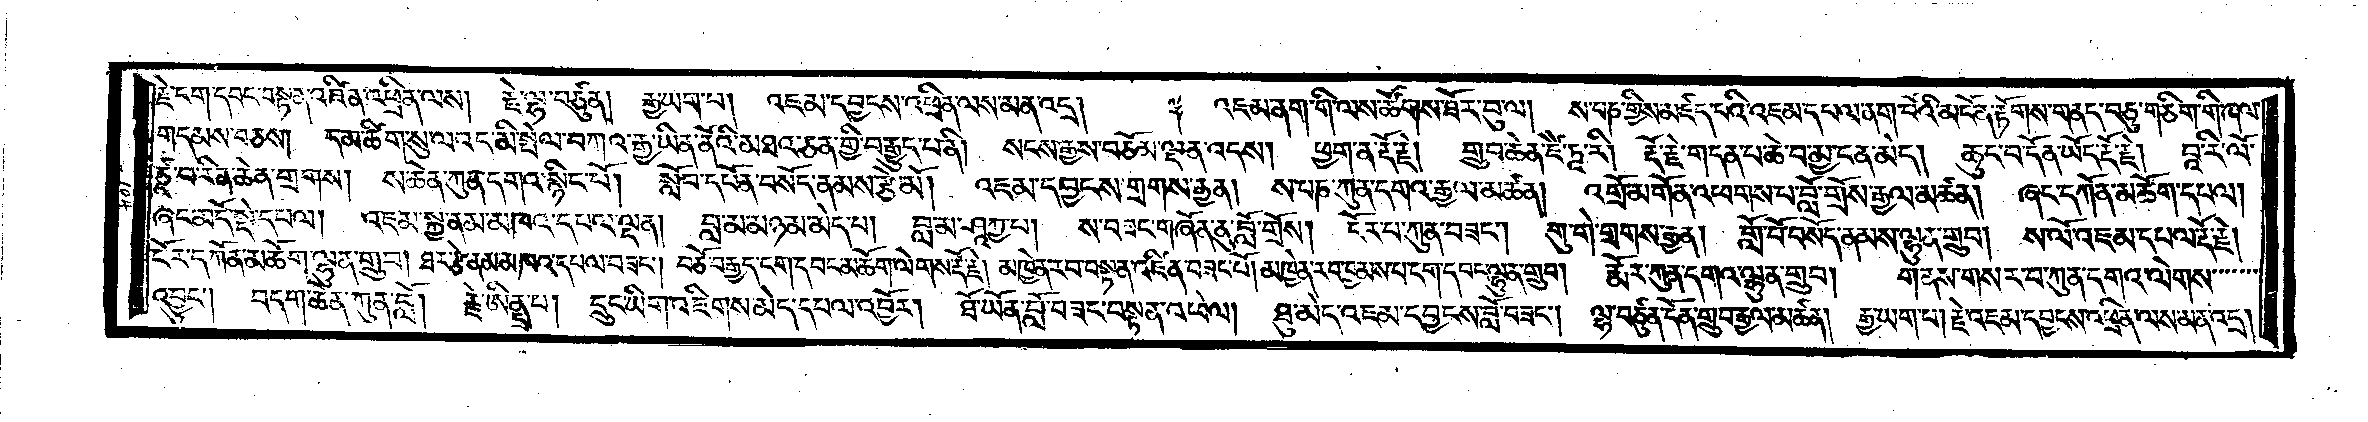རྗེ་ངག་དབང་བསྟན་འཛིན་འཕྲིན་ལས། རྗེ་ལྷ་བཙུན། རྒྱ་ཡག་པ། འཇམ་དབྱངས་འཕྲིན་ལས་མན་འདྲ། ༈ འཇམ་ནག་གི་ལས་ཚོགས་ཐོར་བུ་ལ། ས་པཎ་གྱིས་མཛད་པའི་འཇམ་དཔལ་ནག་པོའི་མངོན་རྟོགས་གནད་པ་གཅིག་གི་ཞལ་
གདམས་བཅས། དམ་ཚིག་སུ་ལའང་མི་སྤེལ་བཀའ་རྒྱ་ཡིན་ནོའི་མཐའ་ཅན་གྱི་བརྒྱུད་པ་ནི། སངས་རྒྱས་བཅོམ་ལྡན་འདས། ཕྱག་ན་རྡོ་རྗེ། གྲུབ་ཆེན་ཛཻ་ཏཱ་རི། རྡོ་རྗེ་གདན་པ་ཆེ་བ་མྱ་ངན་མེད། ཆུང་བ་དོན་ཡོད་རྡོ་རྗེ།
ཙཱ་བ་རིན་ཆེན་གྲགས། ས་ཆེན་ཀུན་དགའ་སྙིང་པོ། སློབ་དཔོན་བསོད་ནམས་རྩེ་མོ། འཇམ་དབྱངས་གྲགས་རྒྱན། ས་པཎ་ཀུན་དགའ་རྒྱལ་མཚན། འགྲོ་མགོན་འཕགས་པ་བློ་གྲོས་རྒྱལ་མཚན། ཞང་དཀོན་མཆོག་དཔལ།
ཞང་མདོ་སྡེ་དཔལ། འཇམ་སྐྱ་ནམ་མཁའ་དཔལ་ལྡན། བླ་མ་མཉམ་མེད་པ། བླ་མ་ཤཱཀྱ་པ། ས་བཟང་གཞོན་ནུ་བློ་གྲོས། ངོར་པ་ཀུན་བཟང་། གུ་གེ་གྲགས་རྒྱན། གློ་བོ་བསོད་ནམས་ལྷུན་གྲུབ། ས་ལོ་འཇམ་དཔལ་རྡོ་རྗེ།
ངོར་དཀོན་མཆོག་ལྷུན་གྲུབ། ཐར་རྩེ་ནམ་མཁའ་དཔལ་བཟང་། བཅོ་བརྒྱད་ངག་དབང་མཆོག་ལེགས་རྡོ་རྗེ། མཁྱེན་རབ་བསྟན་འཛིན་བཟང་པོ། མཁྱེན་རབ་བྱམས་པ་ངག་དབང་ལྷུན་གྲུབ། རྨོར་ཀུན་དགའ་ལྷུན་གྲུབ། གནས་གསར་བ་ཀུན་དགའ་ལེགས་
འབྱུང་། བདག་ཆེན་ཀུན་བློ། རྗེ་ཨིནྡྲ་པ། དྲུང་ཡིག་འཇིགས་མེད་དཔལ་འབྱོར། ཐོ་ཡོན་བློ་བཟང་བསྟན་འཕེལ། ཐུ་མེད་འཇམ་དབྱངས་བློ་བཟང་། ལྷ་བཙུན་དོན་གྲུབ་རྒྱལ་མཚན། རྒྱ་ཡག་པ། རྗེ་འཇམ་དབྱངས་འཕྲིན་ལས་མན་འདྲ།